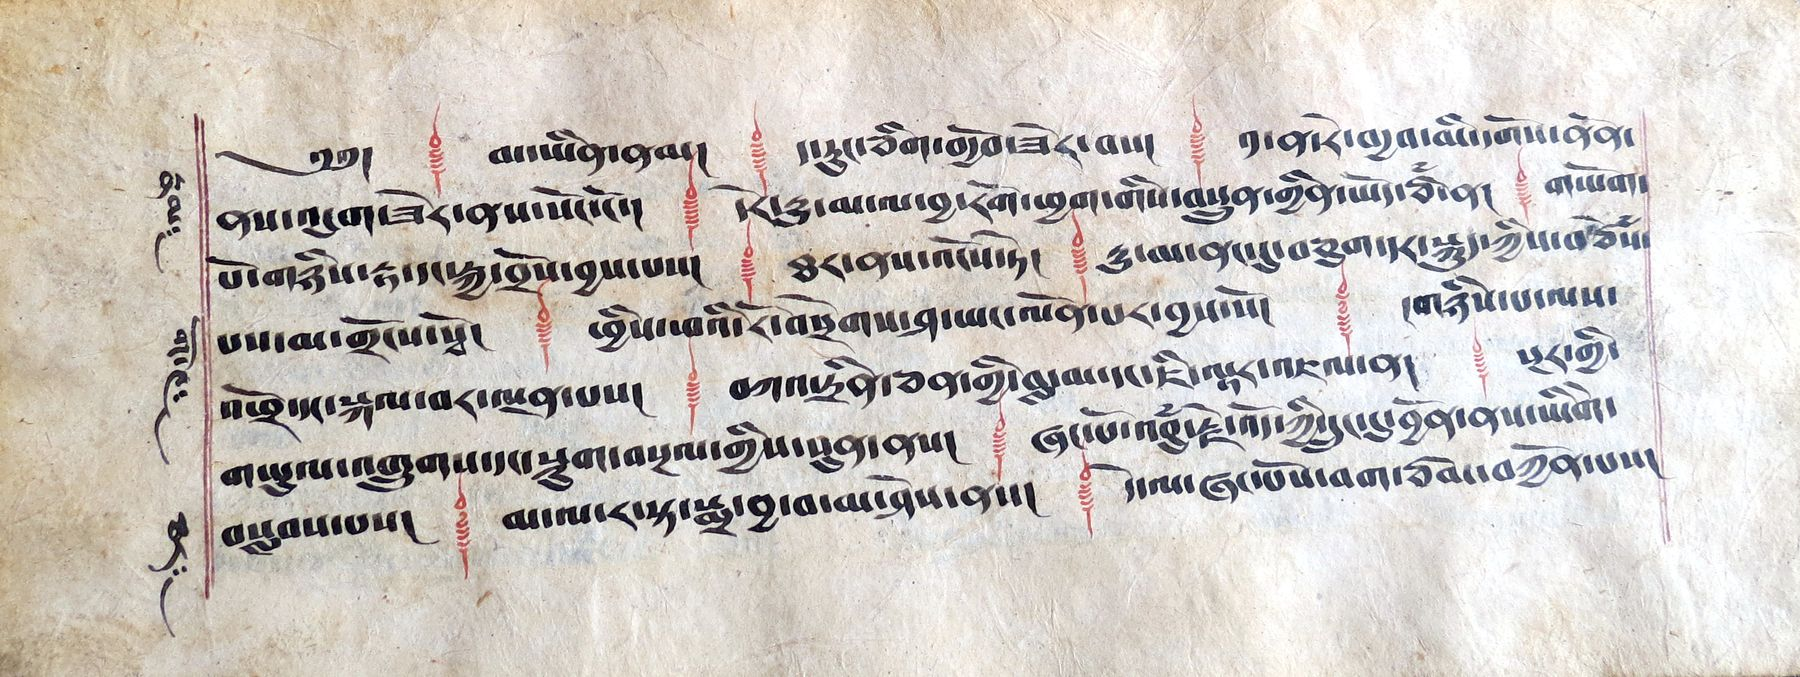མ་ཡིན་ནམ། ད་རུང་གཅིག་རྒྱོབས་ཟེར་བས། གཅིག་ན་རེ་བརྒྱག་མི་དགོས་ནོན་
ནས་འདུག་ཟེར་ནས་སོང་ངོ་། ། དེར་རྒྱུ་མ་ལ་བྱ་རོག་ཕྱག་གིས་བསྲུངས་ཤིང་ཡོད་ཙམ་ན། གཡོག་
པོ་གཉིས་རྟ་དང་རྐྱ་བྲོས་བྱས་པས་ཐར་ནས་འོང་སྟེ། རྒྱུ་མ་ནང་དུ་བཅུག་དར་སྐུད་ཀྱིས་བཙེམ་
པས་མ་གྲོངས་སོ། ། ཕྱིས་ཕའི་རོ་བསྲེགས་ཤ་ཡང་ལོན་པར་བྱས་སོ། ། གཉིས་པ་ལས་
འཕྲོ་དང་སྐལ་པར་ལྡན་པས། བཀའ་དྲིན་ཅན་གྱི་བླ་མ་དང་ཇི་ལྟར་མཇལ་ན། སྔར་གྱི་
གཡུལ་འཁྲུག་དང་སྡུག་བསྔལ་གྱིས་སུན་ནས། ཞང་པོ་འབུམ་རྗེ་འོད་ཀྱི་དྲུང་དུ་བྱོན་ནས་ཡི་གེ་
བསླབས་པས། མ་ལ་ར་སྟ་སྨྲ་བྱ་བ་མ་ཤེས་ནས། དེ་ལ་ཞང་པོས་བག་ཙམ་བཀྱོན་པས།